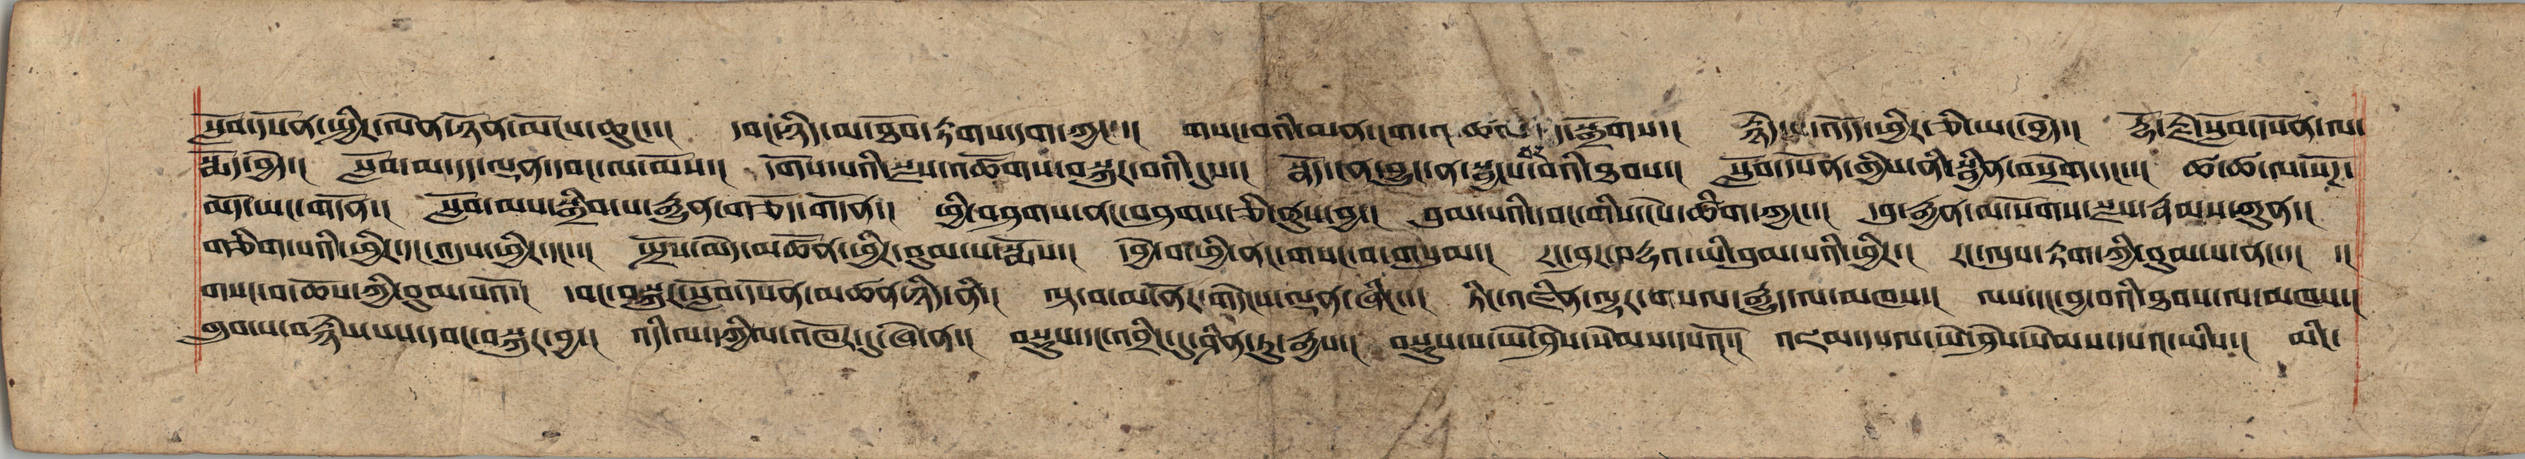སློབ་དཔོན་སྤྱིར་ལེན་ཉོན་མོངས་ཆུང་་། དབང་ཉིད་མ་ཐོབ་རྟགས་དག་ཀྱང་་། གསང་བའི་མན་ངག་འཚལ་བར་སྒྲོགས་། རྙེད་དང་འདོད་ཕྱིར་ཅི་ཡང་བྱེད་། རྡོ་རྗེ་སློབ་དཔོན་ལ་
སྨོད་བྱེད་། སློབ་མ་དད་ལྡན་དབང་ལ་མོས་། དགོས་པའི་སྫས་འཚོགས་བསྐུར་བའི་དུས་། སྣོད་ན་བྱུང་ན་སྦྱངས་བའི་ཐབས་། སློབ་དཔོན་གྱིས་ནི་སྦྱིན་བསྲེག་དང་་། ཚ་ཚ་ལ་སོཌ་
མདོ་ཡང་གདོན་། སློབ་མས་སྒྲིབ་པ་རྒྱུན་གཅོད་གདོན་། ཕྱི་བཤགས་ནང་བཤགས་ཅི་ནུས་བྱ་། བུམ་པའི་དབང་གིས་ངེས་ཚིག་ཀྱང་་། དབུ་རྒྱན་ལ་སོགས་སྫས་རྣམས་ཀུན་།
གཅིག་པའི་ཕྱིར་དང་འདུས་ཕྱིར་དང་་། སྤྲོས་མེད་མཚོན་ཕྱིར་བུམ་པ་སྨོས་། དབྱེ་བ་ཕྱི་ནང་གསང་བ་གསུམ་། རང་ཤར་བརྡའ་ཡི་བུམ་པའི་ཕྱིར་། རང་ལུས་རྟག་ཀྱི་བུམ་པ་ནང་་། ་།
གསང་བ་ཆོས་ཀྱི་བུམ་པའོ་། དབང་བསྐུར་སློབ་དཔོན་མཚན་ཉིད་ནི་། ལྟ་བ་མ་ནོར་གདེངས་ལྡན་ཞིང་་། ཏིང་འཛིན་ལྷར་གསལ་རྒྱུད་ལ་མཁས་། ལས་དང་བྱ་བའི་ཐབས་ལ་མཁས་།
གྲུབ་པ་བརྙེས་པས་དབང་བསྐུར་བྱ་། འདི་ལ་དཀྱིལ་འཁོར་དུ་ཞེ་ན་། བསྡུས་དང་འབྲིང་དུ་ཤིན་ཏུ་རྒྱས་། བསྡུས་པ་ཡེ་ཤེས་སེམས་དཔའོ་། འཇམ་དཔལ་ཡེ་ཤེས་སེམས་དཔའ་ཡིས་། མིང་